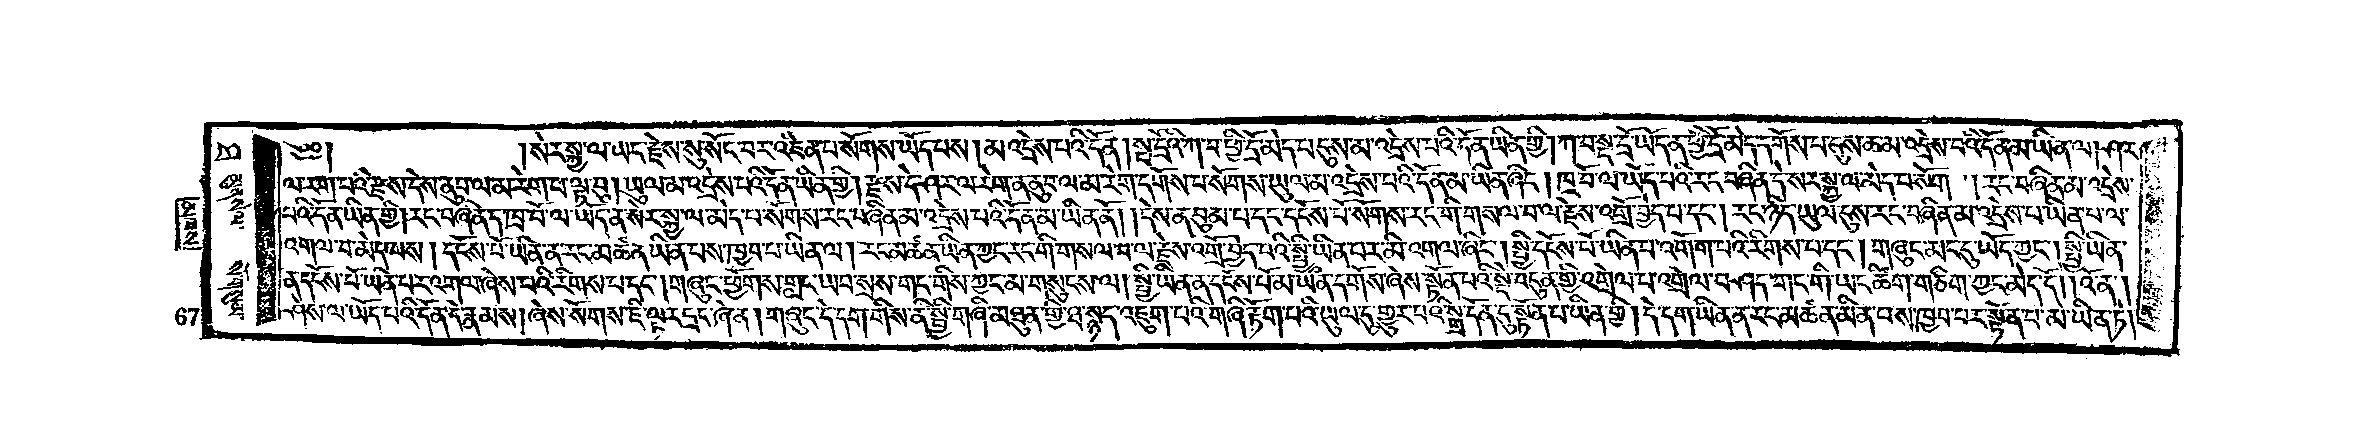༄༅། །སེར་སྐྱ་ལ་ཡང་རྗེས་སུ་སོང་བར་འཛིན་པ་སོགས་ཡོད་པས། མ་འདྲེས་པའི་དོན། སྔ་དྲོའི་ཀ་བ་ཕྱི་དྲོ་མེད་པ་དུས་མ་འདྲེས་པའི་དོན་ཡིན་གྱི། ཀ་བ་སྔ་དྲོ་ཡོད་ན་ཕྱི་དྲོ་མེད་དགོས་པ་དུས་ཆ་མ་འདྲེས་པའི་དོན་མ་ཡིན་ལ། ཤར་
ལ་རག་པའི་རྫས་དེས་ནུབ་ལ་མ་རེག་པ་ལྟ་བུ། ཡུལ་མ་འདྲེས་པའི་དོན་ཡིན་གྱི། རྫས་དེ་ཤར་ལ་རེག་ན་ནུབ་ལ་མ་རེག་དགོས་པ་སོགས་ཡུལ་མ་འདྲེས་པའི་དོན་མ་ཡིན་ཞིང་། ཁྲ་བོ་ལ་ཡོད་པའི་རང་བཞིན་དེ་སར་སྐྱ་ལ་མེད་པ་སོགས། རང་བཞིན་མ་འདྲེས་པ་ཡིན་པ་ལ་
པའི་དོན་ཡིན་གྱི། རང་བཞིན་ད་ཁྲ་བོ་ལ་ཡོད་ན་སེར་སྐྱ་ལ་མེད་པ་སོགས་རང་བཞིན་མ་འདྲེས་པའི་དོན་མ་ཡིན་ནོ། །དེས་ན་བུམ་པ་དང་དངོས་པོ་སོགས་རང་གི་གསལ་བ་ལ་རྗེས་འགྲོ་བྱེད་པ་དང་། རང་ཉིད་ཡུལ་དུས་རང་བཞིན་མ་འདྲེས་པ་ཡིན་པ་ལ་
འགལ་བ་མེད་པས། དངོས་པོ་ཡིན་ན་རང་མཚན་ཡིན་པས་ཁྱབ་པ་ཡིན་ལ། རང་མཚན་ཡིན་ཀྱང་རང་གི་གསལ་བ་ལ་རྗེས་འགྲོ་བྱེད་པའི་སྤྱི་ཡིན་པར་མི་འགལ་ཞིང་། སྤྱི་དངོས་པོ་ཡིན་པ་འགོག་པའི་རིགས་པ་དང་། གཞུང་མང་དུ་ཡོད་ཀྱང་། སྤྱི་ཡིན་
ན་དངོས་པོ་ཡིན་པར་འགལ་ཞེས་པའི་རིགས་པ་དང་། གཞུང་ཕྱོགས་གླང་ཡབ་སྲས་གང་གིས་ཀྱང་མ་གསུངས་ལ། སྤྱི་ཡིན་ན་དངོས་པོ་མ་ཡིན་དགོས་ཞེས་སྟོན་པའི་སྡེ་བདུན་གྱི་འགྲེལ་པ་འགྲེལ་བཤད་གང་གི་ཡང་ཚིག་གཅིག་ཀྱང་མེད་དོ། །འོ་ན།
ཤེས་ལ་ཡོད་པའི་དོན་དེ་རྣམས། ཞེས་སོགས་ཇི་ལྟར་དྲང་ཞེ་ན། གཞུང་དེ་དག་གིས་ནི་སྤྱི་གཞི་མཐུན་གྱི་ཐ་སྙད་འཇུག་པའི་གཞི་རྟོག་པའི་ཡུལ་དུ་གྱུར་པའི་སྒྲ་དོན་དུ་སྟོན་པ་ཡིན་གྱི། དེ་དག་ཡིན་ན་རང་མཚན་མིན་པས་ཁྱབ་པར་སྟོན་པ་མ་ཡིན་ཏེ།